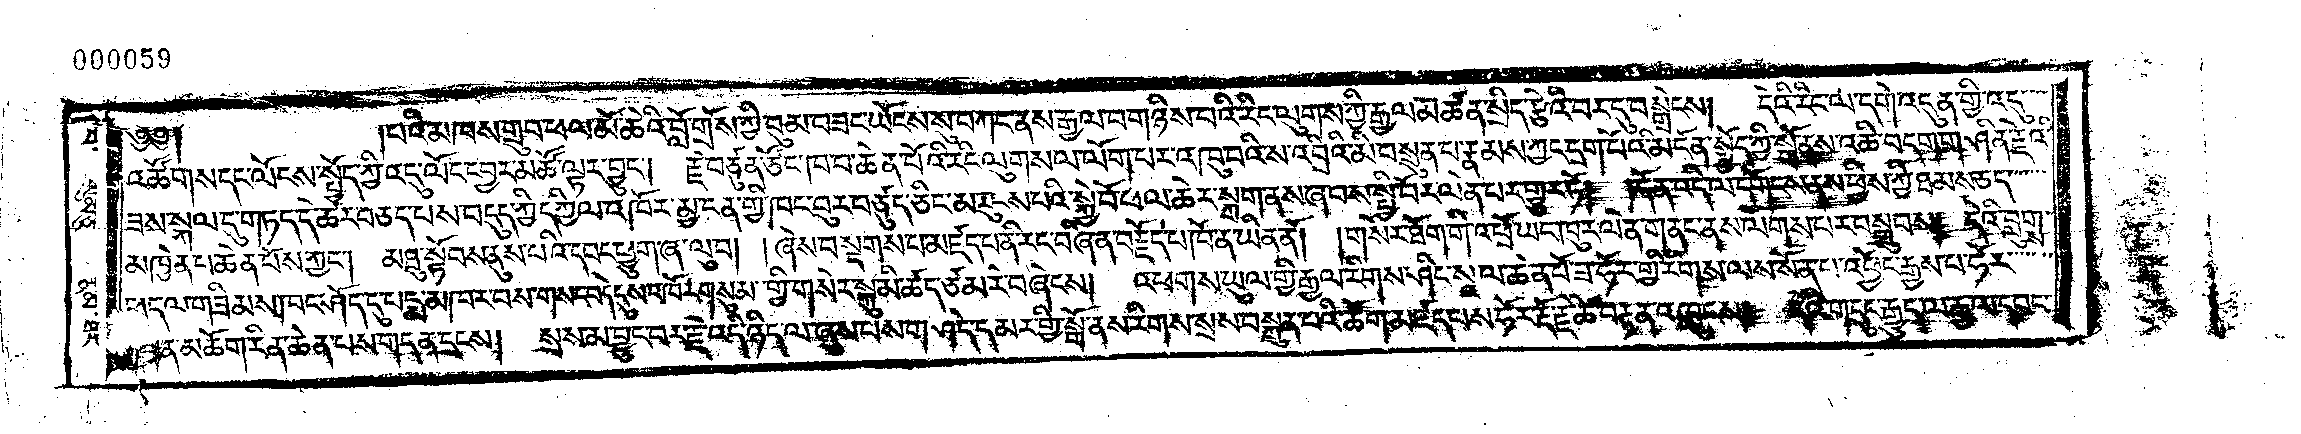༄༅། །པའི་མཁས་གྲུབ་ཕལ་མོ་ཆེའི་བློ་གྲོས་ཀྱི་བུམ་བཟང་ཡོངས་སུ་བཀང་ནས་རྒྱལ་བ་གཉིས་པའི་རིང་ལུགས་ཀྱི་རྒྱལ་མཚན་སྲིད་རྩེའི་བར་དུ་བསྒྲེངས། དེའི་རིང་ལ་དགེ་འདུན་གྱི་འདུ་
འཚོགས་དང་ལོངས་སྤྱོད་ཀྱི་འདུ་ལོང་དབྱར་མཚོ་ལྟར་བྱུང་། རྗེ་བཙུན་ཙོང་ཁ་པ་ཆེན་པོའི་རིང་ལུགས་ལ་ལོག་པར་འཁུ་བའི་ས་འབྲིའི་མི་བསྲུན་པ་རྣམས་ཀྱང་དྲག་པོའི་མངོན་སྤྱོད་ཀྱི་སྒོ་ནས་འཆི་བདག་གཤིན་རྗེའི་
ཟས་སྐལ་དུ་གཏད་དེ་ཚར་བཅད་པས་བདུད་ཀྱི་དཀྱིལ་འཁོར་མྱ་ངན་གྱི་ཁང་བུར་བཙུད་ཅིང་མ་རུངས་པའི་སྐྱེ་བོ་ཕལ་ཆེར་སྐྲག་ནས་ཞབས་སྤྱི་བོར་ལེན་པར་གྱུར་ཏོ། །དོན་འདི་ལ་དགོངས་ནས་ཕྱིས་ཀྱི་ཐམས་ཅད་
མཁྱེན་པ་ཆེན་པོས་ཀྱང་། མཐུ་སྟོབས་ནུས་པའི་དབང་ཕྱུག་ཞ་ལུ་བ། །ཞེས་བསྔགས་པ་མཛད་པ་ནི་རང་བཞིན་བརྗོད་པ་ཁོ་ན་ཡིན་ནོ། །གསེར་ཐོག་གི་འཕྲོ་ཡང་ཁུར་ལེན་གནང་ནས་ལེགས་པར་བསྒྲུབས། དེའི་བླུགས་
ཕུད་ལ་གཟིམས་ཁང་ཤོད་དུ་པདམ་མཁར་བས་གསང་བདེ་དུས་འཁོར་གསུམ་གྱི་གསེར་སྐུ་མི་ཚད་ཙམ་རེ་བཞེངས། འཕགས་ཡུལ་གྱི་རྒྱལ་རིགས་ཤིང་སཱ་ལ་ཆེན་པོ་ཟ་ཧོར་གྱི་རིགས་ལས་སོན་པ་འཕྱོང་རྒྱས་པ་ཧོར་
དཀོན་མཆོག་རིན་ཆེན་པས་གདན་དྲངས། སྲས་མ་བྱུང་བར་རྗེ་འདི་ཉིད་ལ་ཞུས་པས་གཤེད་དམར་གྱི་སྒོ་ནས་རིགས་སྲས་བསྐྲུན་པའི་ཆོ་ག་མཛད་པས་ཧོར་རྡོ་རྗེ་ཚེ་བརྟན་འཁྲུངས། དེའི་གདུང་རྒྱུད་ལ་རྒྱལ་དབང་